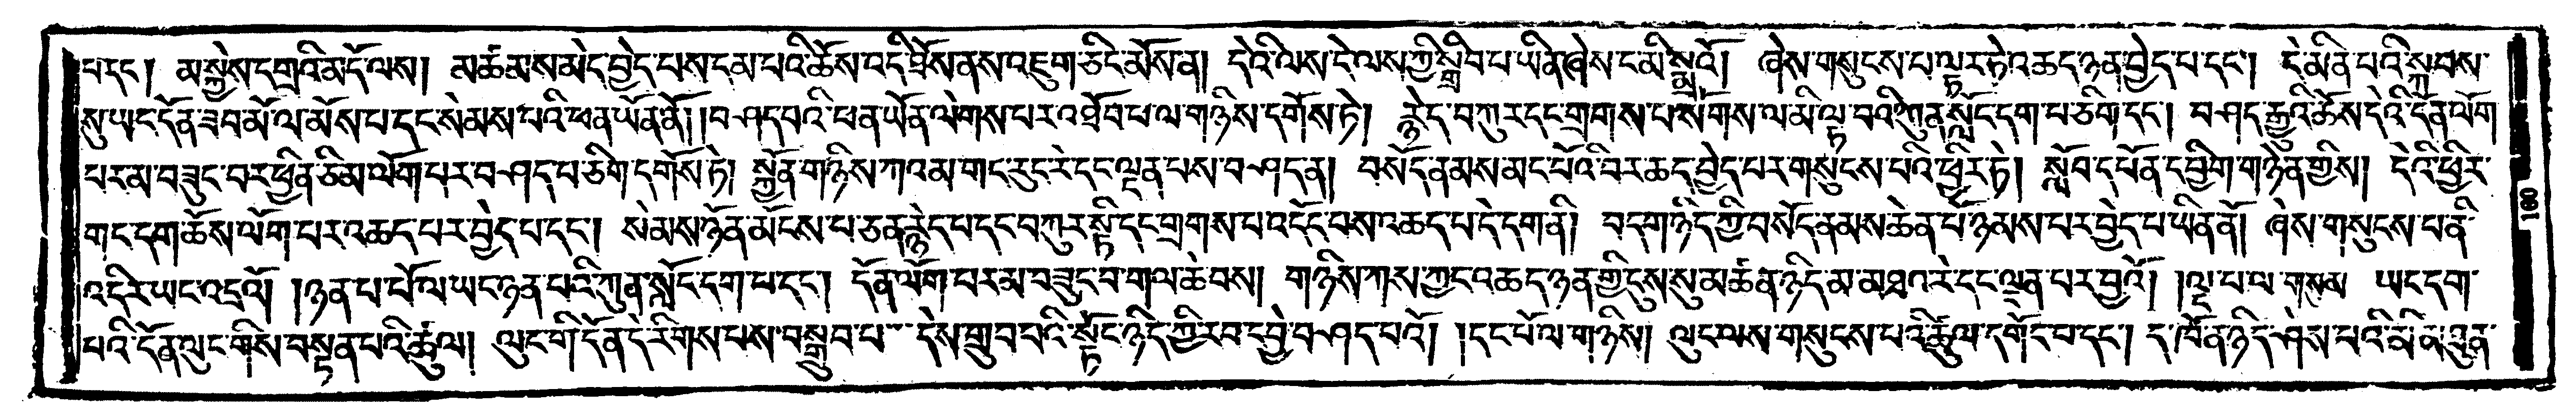པ་དང་། མ་སྐྱེས་དགྲའི་མདོ་ལས། མཚམས་མེད་བྱེད་པས་དམ་པའི་ཆོས་འདི་ཐོས་ནས་འཇུག་ཅིང་མོས་ན། དེའི་ལས་དེ་ལས་ཀྱི་སྒྲིབ་པ་ཡིན་ཞེས་ང་མི་སྨྲའོ། །ཞེས་གསུངས་པ་ལྟར་ཏེ་འཆད་ཉན་བྱེད་པ་དང་། དེ་མིན་པའི་སྐབས་
སུ་ཡང་དོན་ཟབ་མོ་ལ་མོས་པ་དང་སེམས་པའི་ཕན་ཡོན་ནོ། །བཤད་པའི་ཕན་ཡོན་ལེགས་པར་འཐོབ་པ་ལ་གཉིས་དགོས་ཏེ། རྙེད་བཀུར་དང་གྲགས་པ་སོགས་ལ་མི་ལྟ་བའི་ཀུན་སློང་དག་པ་ཞིག་དང་། བཤད་རྒྱུའི་ཆོས་དེའི་དོན་ལོག་
པར་མ་བཟུང་བར་ཕྱིན་ཅི་མ་ལོག་པར་བཤད་པ་ཅིག་དགོས་ཏེ། སྐྱོན་གཉིས་ཀའམ་གང་རུང་རེ་དང་ལྡན་པས་བཤད་ན། བསོད་ནམས་མང་པོའི་བར་ཆད་བྱེད་པར་གསུངས་པའི་ཕྱིར་ཏེ། སློབ་དཔོན་དབྱིག་གཉེན་གྱིས། དེའི་ཕྱིར་
གང་དག་ཆོས་ལོག་པར་འཆད་པར་བྱེད་པ་དང་། སེམས་ཉོན་མོངས་པ་ཅན་རྙེད་པ་དང་བཀུར་སྟི་དང་གྲགས་པ་འདོད་པས་འཆད་པ་དེ་དག་ནི། བདག་ཉིད་ཀྱི་བསོད་ནམས་ཆེན་པོ་ཉམས་པར་བྱེད་པ་ཡིན་ནོ། ཞེས་གསུངས་པ་ནི་
འདིར་ཡང་འདྲའོ། །ཉན་པ་པོ་ལ་ཡང་ཉན་པའི་ཀུན་སློང་དག་པ་དང་། དོན་ལོག་པར་མ་བཟུང་བ་གལ་ཆེ་བས། གཉིས་ཀས་ཀྱང་འཆད་ཉན་གྱི་དུས་སུ་མཚན་ཉིད་མ་མཐའ་རེ་དང་ལྡན་པར་བྱའོ། །ལྔ་པ་ལ་གསུམ། ཡང་དག་
པའི་དོན་ལུང་གིས་བསྟན་པའི་ཚུལ། ལུང་གི་དོན་དེ་རིགས་པས་བསྒྲུབ་པ། དེས་གྲུབ་པའི་སྟོང་ཉིད་ཀྱི་རབ་དབྱེ་བཤད་པའོ། །དང་པོ་ལ་གཉིས། ལུང་ལས་གསུངས་པའི་ཚུལ་དགོད་པ་དང་། དེ་ཁོ་ན་ཉིད་ཤེས་པའི་མི་མཐུན་